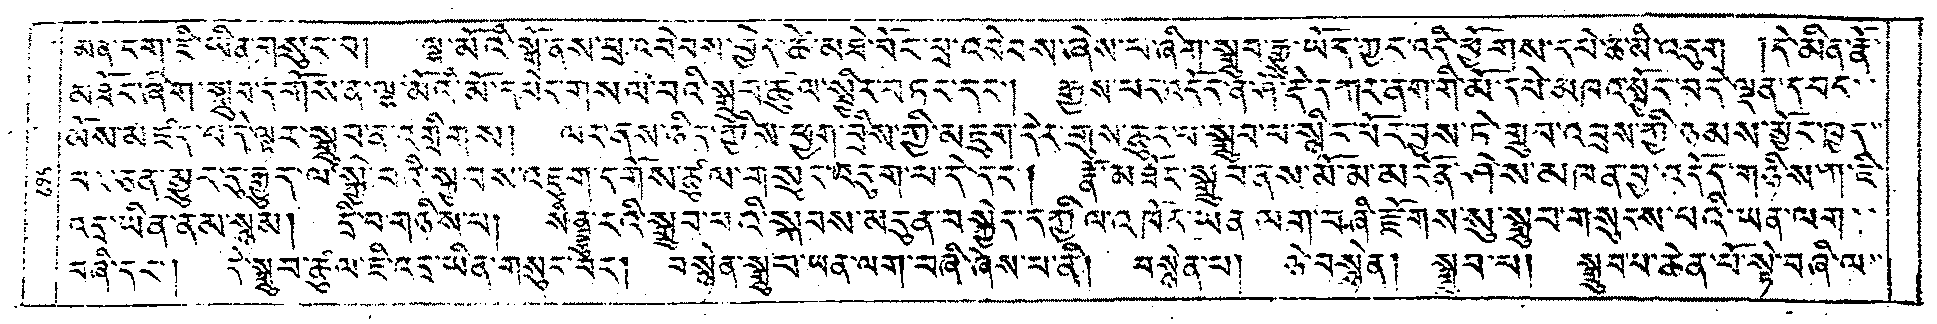མན་ངག་ཇི་ཡིན་གསུང་བ། ལྷ་མོའི་སྒོ་ནས་པྲ་འབེབས་བྱེད་ཚེ་མཐེ་བོང་པྲ་འབེབས་ཞེས་པ་ཞིག་སྒྲུབ་རྒྱུ་ཡོད་ཀྱང་འདི་ཕྱོགས་དཔེ་ཆ་མི་འདུག །དེ་མིན་རྣོ་
མཐོང་ཞིག་སྒྲུབ་དགོས་ན་ལྷ་མོའི་མོ་དཔེར་གསལ་བའི་སྒྲུབ་ཚུལ་སྤྱིར་བཏང་དང་། རྒྱས་པར་འདོད་ན་ཤོ་རྡེ་དཀར་ནག་གི་མོ་དཔེ་མཁའ་སྤྱོད་བདེ་ལྡན་དབང་
མོས་མཛད་པ་དེ་ལྟར་སྒྲུབ་ན་འགྲིགས། ལར་ནས་ཉིད་ཀྱིས་ཕྱག་བྲིས་ཀྱི་མཇུག་དེར་གུས་ཆུང་པ་སྒྲུབ་པ་སྙིང་པོར་བྱས་ཏེ་གྲུབ་འབྲས་ཀྱི་ཉམས་མྱོང་ཁྱད་
པར་ཅན་མྱུར་དུ་རྒྱུད་ལ་སྐྱེ་བའི་སྐྱབས་འཇུག་དགོས་ཚུལ་གསུང་འདུག་པ་དེ་དང་། རྣོ་མཐོང་སྒྲུབ་ནས་མོ་མ་མངོན་ཤེས་མཁན་བྱ་འདོད་གཉིས་ཀ་ཇི་
འདྲ་ཡིན་ནམ་སྙམ། དྲི་བ་གཉིས་པ། སིནྡྷུ་རའི་སྒྲུབ་པའི་སྐབས་མདུན་བསྐྱེད་དཀྱིལ་འཁོར་ཡན་ལག་བཞི་རྫོགས་སུ་སྒྲུབ་གསུངས་པའི་ཡན་ལག་
བཞི་དང་། དེ་སྒྲུབ་ཚུལ་ཇི་འདྲ་ཡིན་གསུང་བར། བསྙེན་སྒྲུབ་ཡན་ལག་བཞི་ཞེས་པ་ནི། བསྙེན་པ། ཉེ་བསྙེན། སྒྲུབ་པ། སྒྲུབ་པ་ཆེན་པོ་སྟེ་བཞི་ལ་